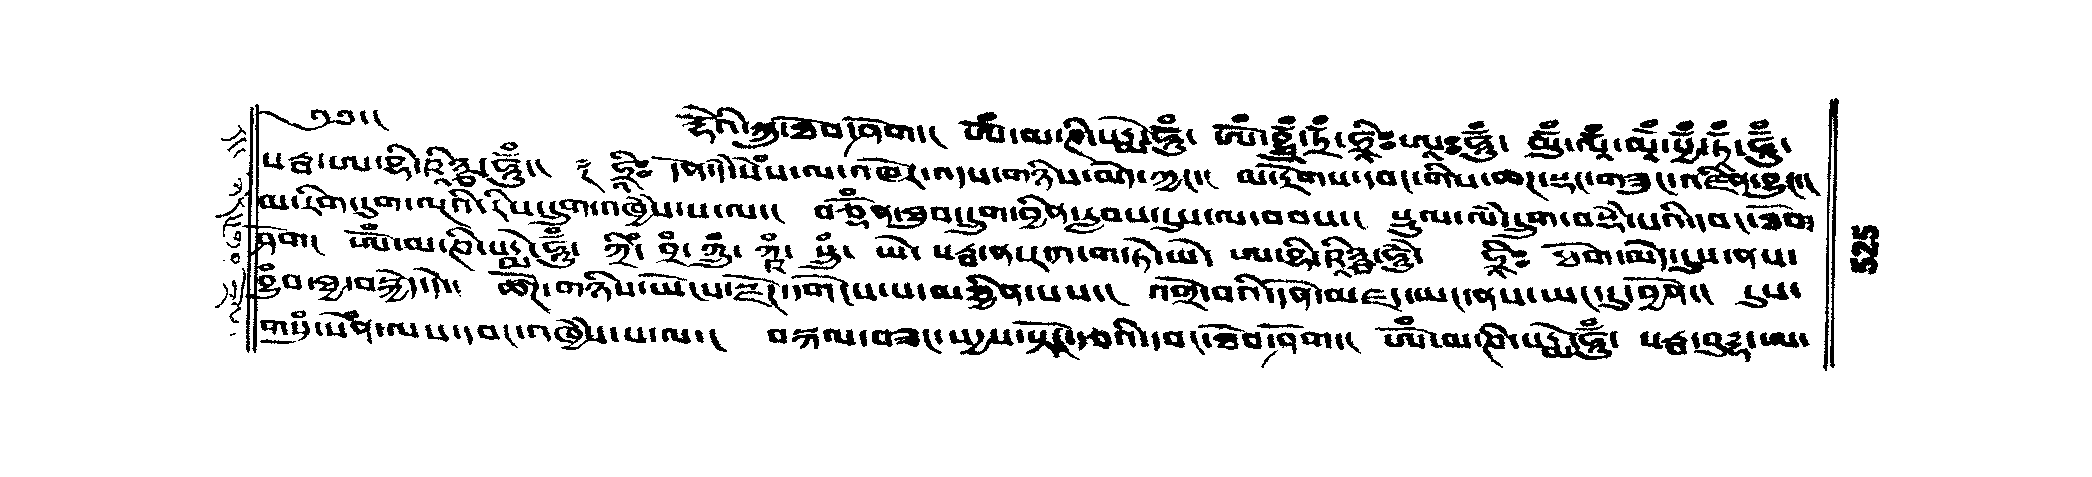རྡོ་རྗེའི་སྐུ་ཐོབ་ཤོག ཨོཾམ་ཎི་པདྨེ་ཧཱུྃ། ཨོཾ་བྷྲཱུྃ་ཏྲྃ་ཧྲཱི་ཨཱཿཧཱུྃ། མུྃ་ལཱྃ་མཱྃ་པྱྃ་ཏཱྃཧཱུྃ་
སརྦ་ཨ་བྷི་རཱིཉྩ་ཧཱུྃ།ཧྲཱིཿ དོན་དམ་སེམས་ལ་འཁོར་འདས་གཉིས་མེད་ཀྱང་། །མ་རྟོགས་དབང་གིས་ཆགས་སྡང་གཟུང་འཛིན་བྱུང་། །
མ་རིག་དུག་ལྔའི་རིགས་དྲུག་འཁྱམས་པ་ལ། །བཅོམ་ལྡན་ཐུབ་དྲུག་བྱིན་རླབས་དུས་ལ་བབས། །སྡུག་བསྔལ་ལམ་དྲུག་བསྡམ་པའི་དབང་ཐོབ་
ཤོག ཨོཾ་མ་ཎི་པདྨེ་ཧཱུྃ། ཀྲེ། བྲཾ། ཀྲུཾ། ཀྵཾ། སྲུཾ། ཡེ་སརྦ་ན་ར་ག་ཏེ་ཡེ་ཨ་བྷི་རཱིཉྩ་ཧཱུྃ།་ཧྲཱིཿ ཐོག་མེད་དུས་ནས་
བྱང་ཆུབ་སེམས་བསྐྱེད་དེ། །ཚོགས་གཉིས་ཡོངས་རྫོགས་དགོངས་པ་མཐར་ཕྱིན་པས། །འགྲོ་བའི་དོན་མཛད་ཡང་ནས་ཡང་དུ་བྱོན། །དུས་
གསུམ་སེམས་ཅན་ལས་དབང་འཁྱམས་པ་ལ། །བསྐལ་བཟང་སངས་རྒྱས་སྟོང་རྩའི་དབང་ཐོབ་ཤོག ཨོཾ་མ་ཎི་པདྨེ་ཧཱུྃ།་སརྦ་བུདྡྷ་ཨ་